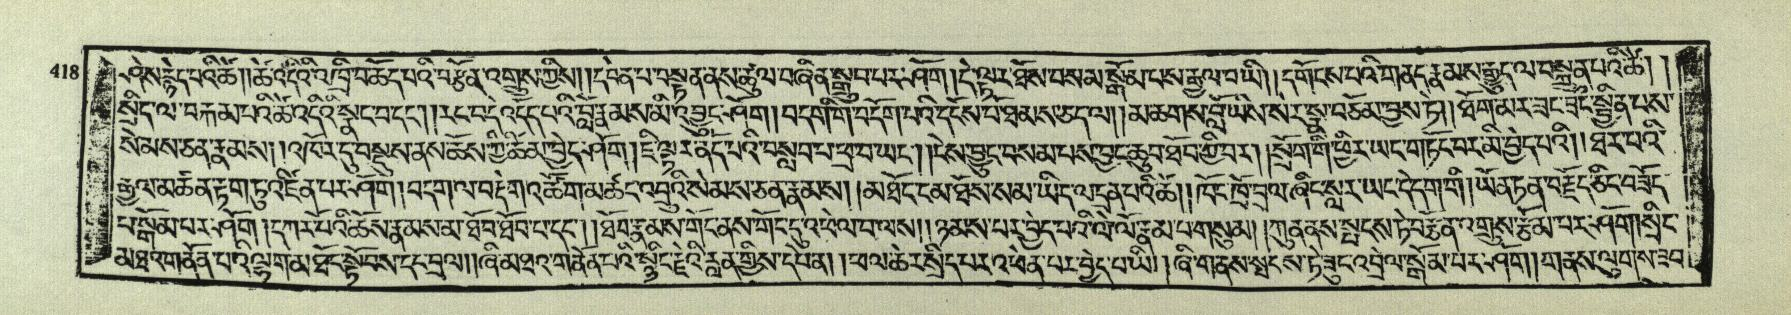ཤེས་རྙེད་པའི་ཚེ། །ཚེ་འདིའི་འཁྲི་བ་ཆོད་པའི་བརྩོན་འགྲུས་ཀྱིས། །དབེན་པ་བསྟན་ནས་ཚུལ་བཞིན་སྒྲུབ་པར་ཤོག །དེ་ལྟར་ཐོས་བསམ་སྒོམ་པས་རྒྱལ་བ་ཡི། །དགོངས་པའི་གནད་རྣམས་རྒྱུད་ལ་བསྐྲུན་པའི་ཚེ། །
སྲིད་ལ་བརྐམ་པའི་ཚེ་འདིའི་སྣང་བ་དང་། །རང་བདེ་འདོད་པའི་བློ་རྣམས་མི་འབྱུང་ཤོག །བདག་གི་བདོག་པའི་དངོས་པོ་ཐམས་ཅད་ལ། །མ་ཆགས་བློ་ཡིས་སེར་སྣ་བཅོམ་བྱས་ཏེ། །ཐོག་མར་ཟང་ཟང་སྦྱིན་པས་
སེམས་ཅན་རྣམས། །འཁོར་དུ་བསྡུས་ནས་ཆོས་ཀྱི་ཚིམ་བྱེད་ཤོག །ཇི་ལྟར་ནོད་པའི་བསླབ་པ་ཕྲ་བ་ཡང་། །ངེས་བྱུང་བསམ་པས་བྱང་ཆུབ་ཐོབ་ཀྱི་བར། །སྲོག་གི་ཕྱིར་ཡང་གཏོང་བར་མི་བྱེད་པའི། །ཐར་པའི་
རྒྱལ་མཚན་རྟག་ཏུ་འཛིན་པར་ཤོག །བདག་ལ་བརྡེག་འཚོག་མཚང་འབྲུའི་སེམས་ཅན་རྣམས། །མཐོང་ངམ་ཐོས་སམ་ཡིད་ལ་དྲན་པའི་ཚེ། །ཁོང་ཁྲོ་བྲལ་ཞིང་སླར་ཡང་དེ་དག་གི །ཡོན་ཏན་བརྗོད་ཅིང་བཟོད་
པ་སྒོམ་པར་ཤོག །དཀར་པོའི་ཆོས་རྣམས་མ་ཐོབ་ཐོབ་པ་དང་། །ཐོབ་རྣམས་གོང་ནས་གོང་དུ་འཕེལ་བ་ལས། །ཉམས་པར་བྱེད་པའི་ལེ་ལོ་རྣམ་པ་གསུམ། །ཀུན་ནས་སྤངས་ཏེ་བརྩོན་འགྲུས་རྩོམ་པར་ཤོག །སྲིང་
མཐའ་གནོན་པའི་ལྷག་མཐོང་སྟོབས་དང་བྲལ། །ཞི་མཐའ་གནོན་པའི་སྙིང་རྗེའི་རླན་གྱིས་དཔེ་ན། །ཕལ་ཆེར་སྲིད་པར་འཕེན་པར་བྱེད་པ་ཡི། །ཞི་གནས་སྤངས་ཏེ་ཟུང་འབྲེལ་སྒོམ་པར་ཤོག །གནས་ལུགས་ཟབ་